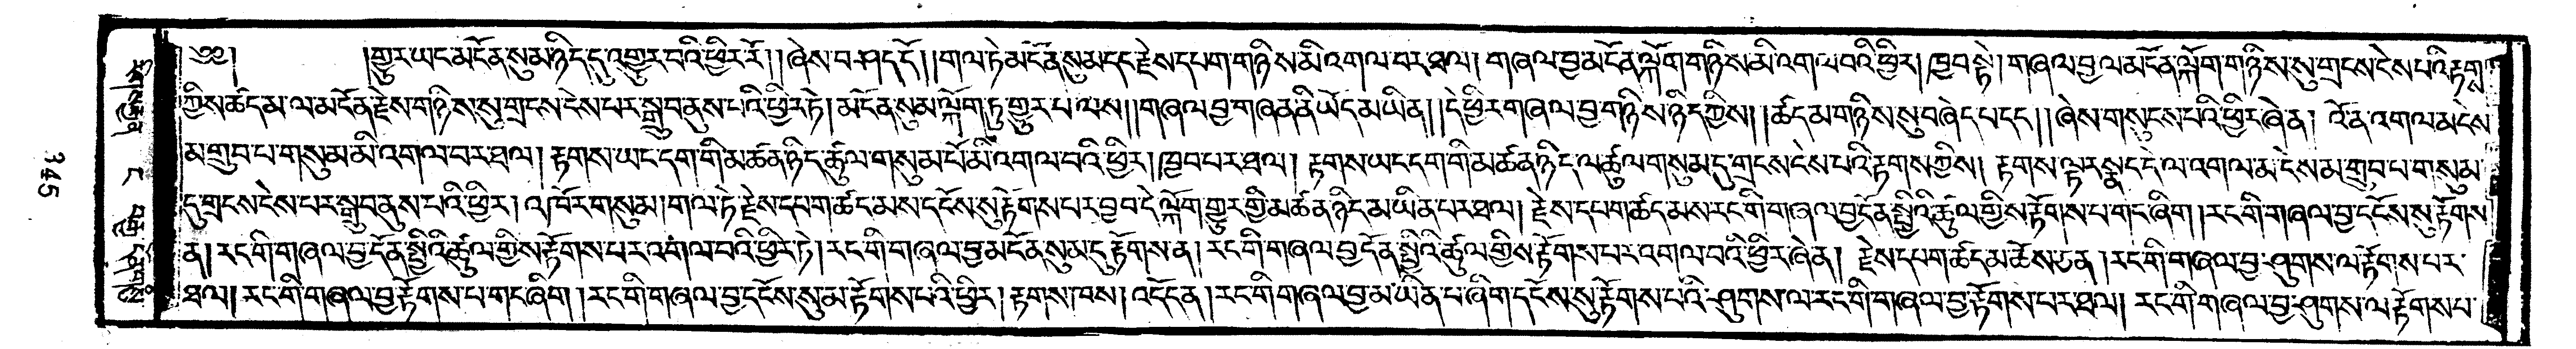༄༅། །གྱུར་ཡང་མངོན་སུམ་ཉིད་དུ་འགྱུར་བའི་ཕྱིར་རོ། །ཞེས་བཤད་དོ། །གལ་ཏེ་མངོན་སུམ་དང་རྗེས་དཔག་གཉིས་མི་འགལ་བར་ཐལ། གཞལ་བྱ་མངོན་ལྐོག་གཉིས་མི་འགལ་བའི་ཕྱིར། ཁྱབ་སྟེ། གཞལ་བྱ་ལ་མངོན་ལྐོག་གཉིས་སུ་གྲངས་ངེས་པའི་རྟགས་
ཀྱིས་ཚད་མ་ལ་མངོན་རྗེས་གཉིས་སུ་གྲངས་ངེས་པར་སྒྲུབ་ནུས་པའི་ཕྱིར་ཏེ། མངོན་སུམ་ལྐོག་ཏུ་གྱུར་པ་ལས། །གཞལ་བྱ་གཞན་ནི་ཡོད་མ་ཡིན། །དེ་ཕྱིར་གཞལ་བྱ་གཉིས་ཉིད་ཀྱིས། །ཚད་མ་གཉིས་སུ་བཞེད་པ་དང་། །ཞེས་གསུངས་པའི་ཕྱིར་ཞེ་ན། འོ་ན་འགལ་མ་ངེས་
མ་གྲུབ་པ་གསུམ་མི་འགལ་བར་ཐལ། རྟགས་ཡང་དག་གི་མཚན་ཉིད་ཚུལ་གསུམ་པོ་མི་འགལ་བའི་ཕྱིར། ཁྱབ་པར་ཐལ། རྟགས་ཡང་དག་གི་མཚན་ཉིད་ལ་ཚུལ་གསུམ་དུ་གྲངས་ངེས་པའི་རྟགས་ཀྱིས། རྟགས་ལྟར་སྣང་དེ་ལ་འགལ་མ་ངེས་མ་གྲུབ་པ་གསུམ་
དུ་གྲངས་ངེས་པར་སྒྲུབ་ནུས་པའི་ཕྱིར། འཁོར་གསུམ། གལ་ཏེ་རྗེས་དཔག་ཚད་མས་དངོས་སུ་རྟོགས་པར་བྱ་བ་དེ་ལྐོག་གྱུར་གྱི་མཚན་ཉིད་མ་ཡིན་པར་ཐལ། རྗེས་དཔག་ཚད་མས་རང་གི་གཞལ་བྱ་དོན་སྤྱིའི་ཚུལ་གྱིས་རྟོགས་པ་གང་ཞིག །རང་གི་གཞལ་བྱ་དངོས་སུ་རྟོགས་
ན། རང་གི་གཞལ་བྱ་དོན་སྤྱིའི་ཚུལ་གྱིས་རྟོགས་པར་འགལ་བའི་ཕྱིར་ཏེ། རང་གི་གཞལ་བྱ་མངོན་སུམ་དུ་རྟོགས་ན། རང་གི་གཞལ་བྱ་དོན་སྤྱིའི་ཚུལ་གྱིས་རྟོགས་པར་འགལ་བའི་ཕྱིར་ཞེ་ན། རྗེས་དཔག་ཚད་མ་ཆོས་ཅན། རང་གི་གཞལ་བྱ་ཤུགས་ལ་རྟོགས་པར་
ཐལ། རང་གི་གཞལ་བྱ་རྟོགས་པ་གང་ཞིག །རང་གི་གཞལ་བྱ་དངོས་སུ་མ་རྟོགས་པའི་ཕྱིར། རྟགས་ཁས། འདོད་ན། རང་གི་གཞལ་བྱ་མ་ཡིན་པ་ཞིག་དངོས་སུ་རྟོགས་པའི་ཤུགས་ལ་རང་གི་གཞལ་བྱ་རྟོགས་པར་ཐལ། རང་གི་གཞལ་བྱ་ཤུགས་ལ་རྟོགས་པ་